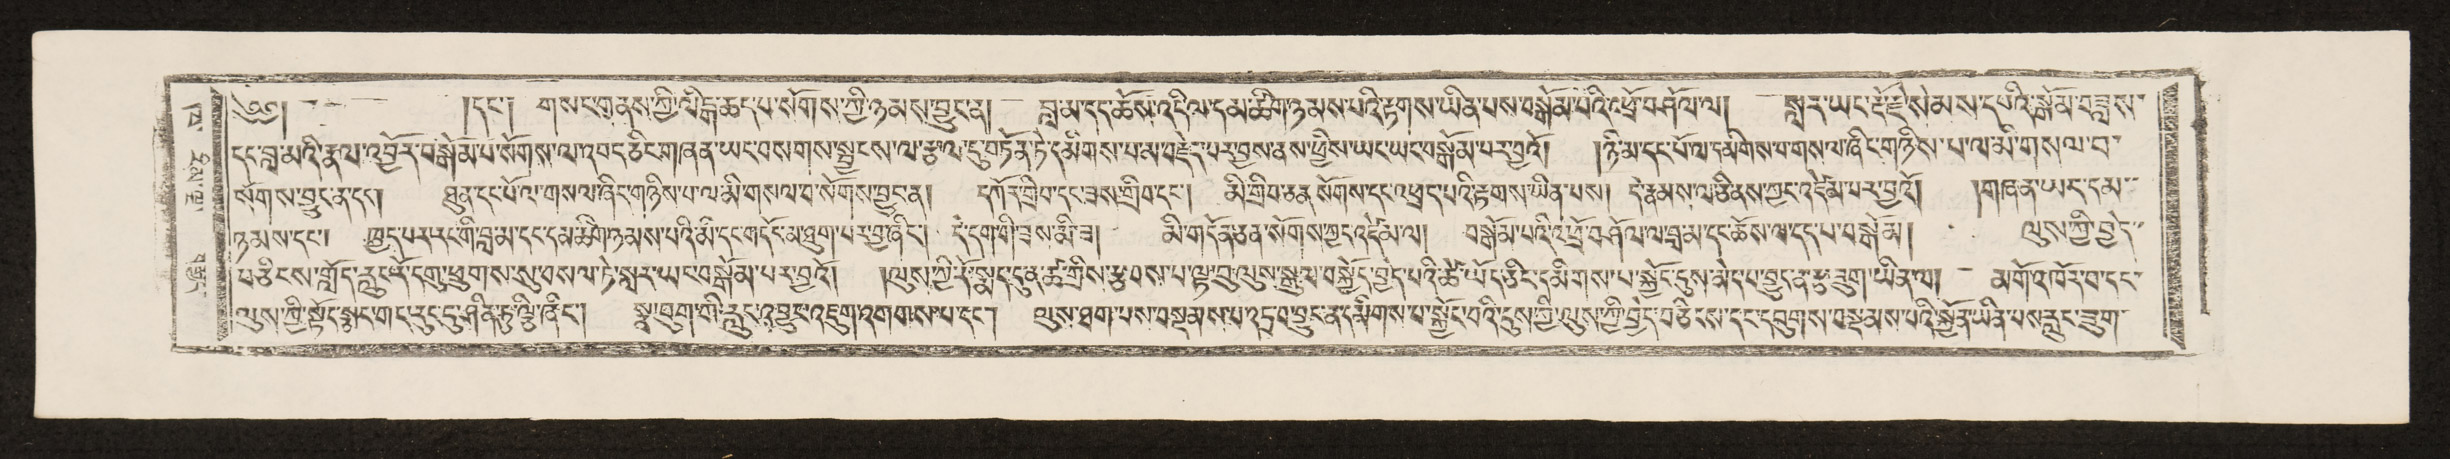༄༅། །དང༑ གསང་གནས་ཀྱི་ལིངྒ་ཆང་པ་སོགས་ཀྱི་ཉམས་བྱུང་ན། བླ་མ་དང་ཆོས་འདི་ལ་དམ་ཚིག་ཉམས་པའི་རྟགས་ཡིན་པ་བསྒོམ་པའི་འཕྲོ་བཤོལ་ལ། སླར་ཡང་རྡོ་རྗེ་སེམས་དཔའི་སྒོམ་བཟླས་
དང་བླ་མའི་རྣལ་འབྱོར་བསྒོམ་པ་སོགས་ལ་འབད་ཅིང་གཞན་ཡང་བསགས་སྤྱངས་ལ་རྩལ་དུ་བཏོན་ཏེ་དམིགས་པ་མ་བརྗེད་པར་བྱས་ནས་ཕྱིས་ཡང་ཡང་བསྒོམ་པར་བྱའོ། །ཉི་མ་དང་པོ་ལ་དམིགས་པ་གསལ་ཞིང་གཉིས་པ་ལ་མི་གསལ་བ་
སོགས་བྱུང་ན་དང་། ཐུན་དང་པོ་ལ་གསལ་ཞིང་གཉིས་པ་ལ་མི་གསལ་བ་སོགས་བྱུང་ན། དཀོར་གྲིབ་དང་ཟས་གྲིབ་དང་། མི་གྲིབ་ཅན་སོགས་དང་འཕྲད་པའི་རྟགས་ཡིན་པས། དེ་རྣམས་ལ་ཅི་ནས་ཀྱང་འཇེམ་པར་བྱའོ། །གཞན་ཡང་དམ་
ཉམས་དང་། ཁྱད་པར་རང་གི་བླ་མ་དང་དམ་ཚིག་ཉམས་པའི་མི་དང་གདོང་མ་ཐུག་པར་བྱ་ཞིང་། དེ་དག་གི་ཟས་མི་ཟ། མི་གདོན་ཅན་སོགས་ཀྱང་འཛེམ་ལ་བསྒོམ་པའི་འཕྲོ་བཤོལ་ལ་བླ་མ་དང་ཆོས་ལ་དད་པ་བསྒོམ། ལུས་ཀྱི་
བྱེད་བཅིངས་གློད་རླུང་རོང་གུ་ཕྲུགས་སུ་བསལ་ཏེ་སླར་ཡང་བསྒོམ་པར་བྱའོ། །ལུས་ཀྱི་རོ་སྨད་དུ་ན་ཚ་གྲིས་རྩབས་པ་ལྟ་བུ་ལུས་སྒུལ་བསྐྱོང་བྱེད་པའི་ཚེ་ཡོད་ཅིང་དམིགས་པ་སྐྱོང་དུས་མེད་བ་བྱུང་ན་རྩ་ཟུག་ཡིན་ལ། མགོ་འཁོར་བ་དང་
ལུས་ཀྱི་སྟོང་སྨད་གང་རུང་དུ་ཤིན་ཏུ་ལྕི་ཞིང་། སྣ་བུག་གི་རླུང་འབྱུང་འཇུག་འགགས་པ་དང་། ལུས་ཐག་བས་བསྡམས་པ་འདྲ་བ་བྱུང་ན་དམིགས་བསྐྱོད་པའི་དུས་ཀྱི་ལུས་ཀྱི་བྱེད་བཅིངས་དང་དབུགས་བསྡམས་པའི་སྐྱོན་ཡིན་པས་རླུང་ཟུག་